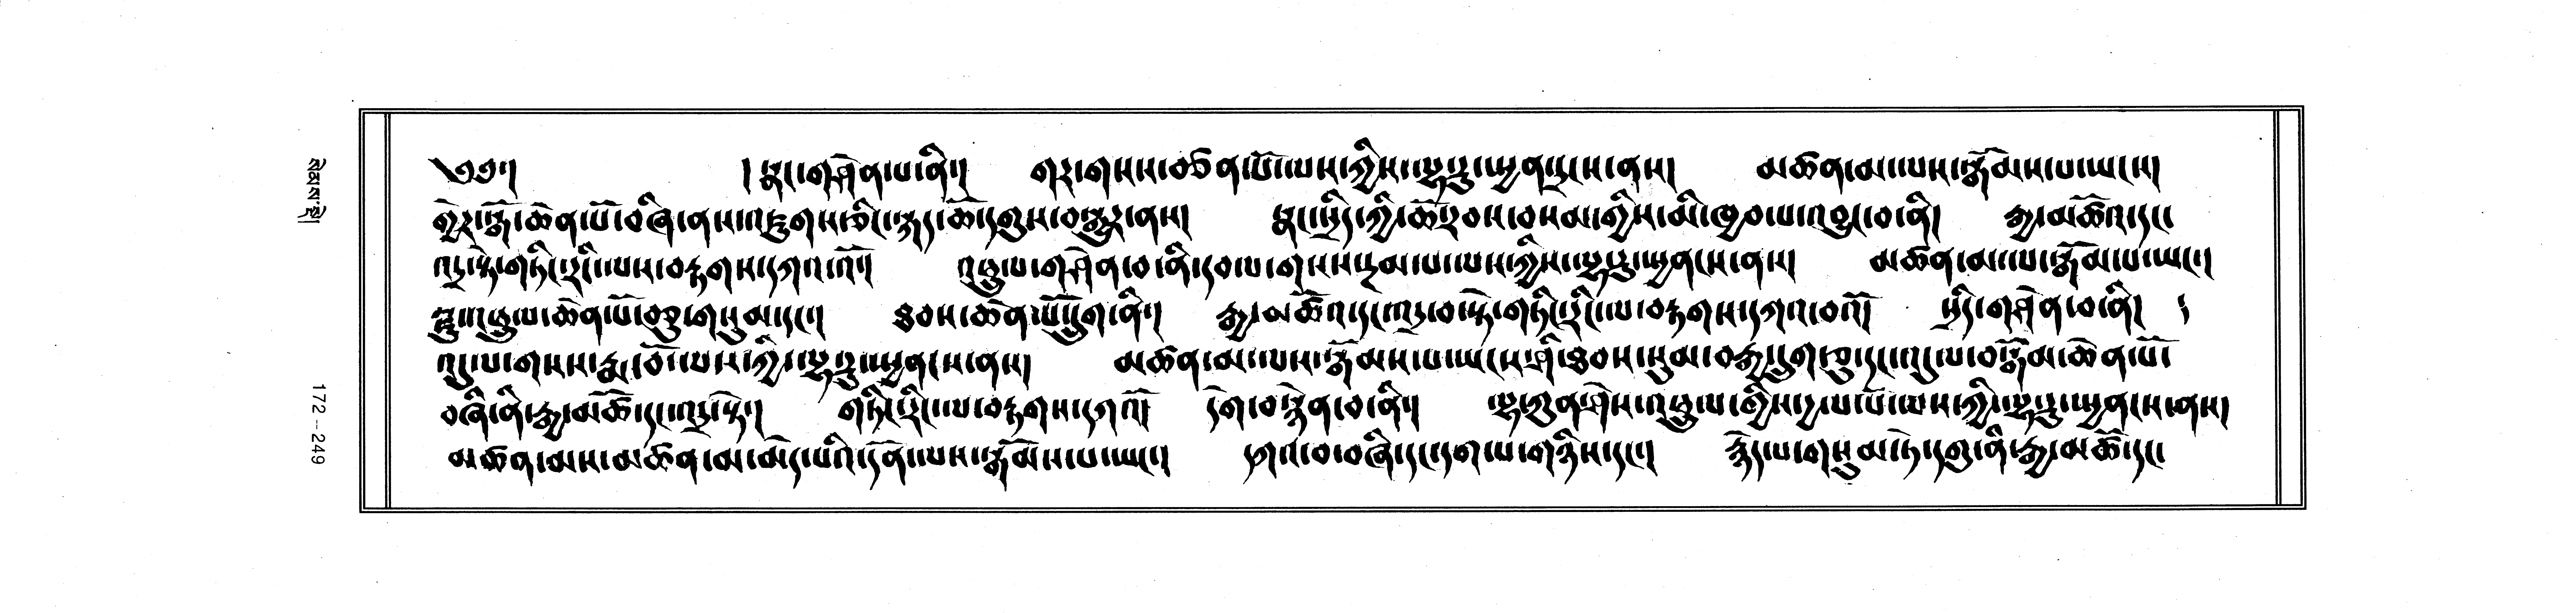སྣང་གཤེན་པ་ནི། གར་གསས་བཙན་པོ་ལས་ཀྱིས་ལྷ་རུ་སྤྱན་དྲངས་ནས། མཚན་མ་ལས་སྒོམས་པ་ཡང། 
གྱེར་སྒོ་ཆེན་པོ་བཞི་ནས་འཇུགས་ཅིང་སྐད་ཆོ་དགུས་བསྒྱུར་ནས། སྣང་སྲིད་ཀྱི་ཆོ་རབ་བསམ་གྱིས་མི་ཁྱབ་པ་འབྱུང་བ་ནི། རྒྱ་མཚོའ་དང་
འདྲ་སྟེ་གཏིང་རིང་ལས་བརྟགས་དཀའ་འོ། འཕྲུལ་གཤེན་བ་ནི་དབལ་གསས་རྔམ་པ་ལས་ཀྱིས་ལྷ་རུ་སྤྱན་དྲངས་ནས། མཚན་མ་ལ་སྒོམ་པ་ཡང་། 
རྫུ་འཕྲུལ་ཆེན་པོ་བཅུ་གསུམ་དང་། ཐབས་ཆེན་པོ་དྲུག་ནི། རྒྱ་མཚོའ་དང་འདྲ་བ་སྟེ་གཏིང་རིང་ལ་བརྟགས་དཀའ་བའོ། སྲིད་གཤེན་བ་ནི། 
འདུལ་གསས་རྨ་བོ་ལས་ཀྱི་ལྷ་རུ་སྤྱན་དྲངས་ནས། མཚན་མ་ལས་སྒོམས་པ་ཡང་ཤི་ཐབས་སུམ་བརྒྱ་དྲུག་ཅུ་དང་འདུལ་བསྒོམ་ཆེན་པོ་
བཞི་ནི་རྒྱ་མཚོ་དང་འདྲ་སྟེ། གཏིང་རིང་ལ་བརྟགས་དཀའོ། དགེ་བསྙེན་བ་ནི། ལྷ་ཀུན་ཤེས་འཕྲུལ་གྱིས་རྒྱལ་པོ་ལས་ཀྱི་ལྷུ་རུ་སྤྱན་དྲངས་ནས། 
མཚན་མས་མཚན་མ་མེད་པའི་དོན་ལས་སྒོམས་པ་ཡང་། དཀའ་བ་བཞི་དང་དག་པ་གཉིས་དང་། རྙེད་པ་གསུམ་ཏེ་དགུ་ནི་རྒྱ་མཚོ་དང་